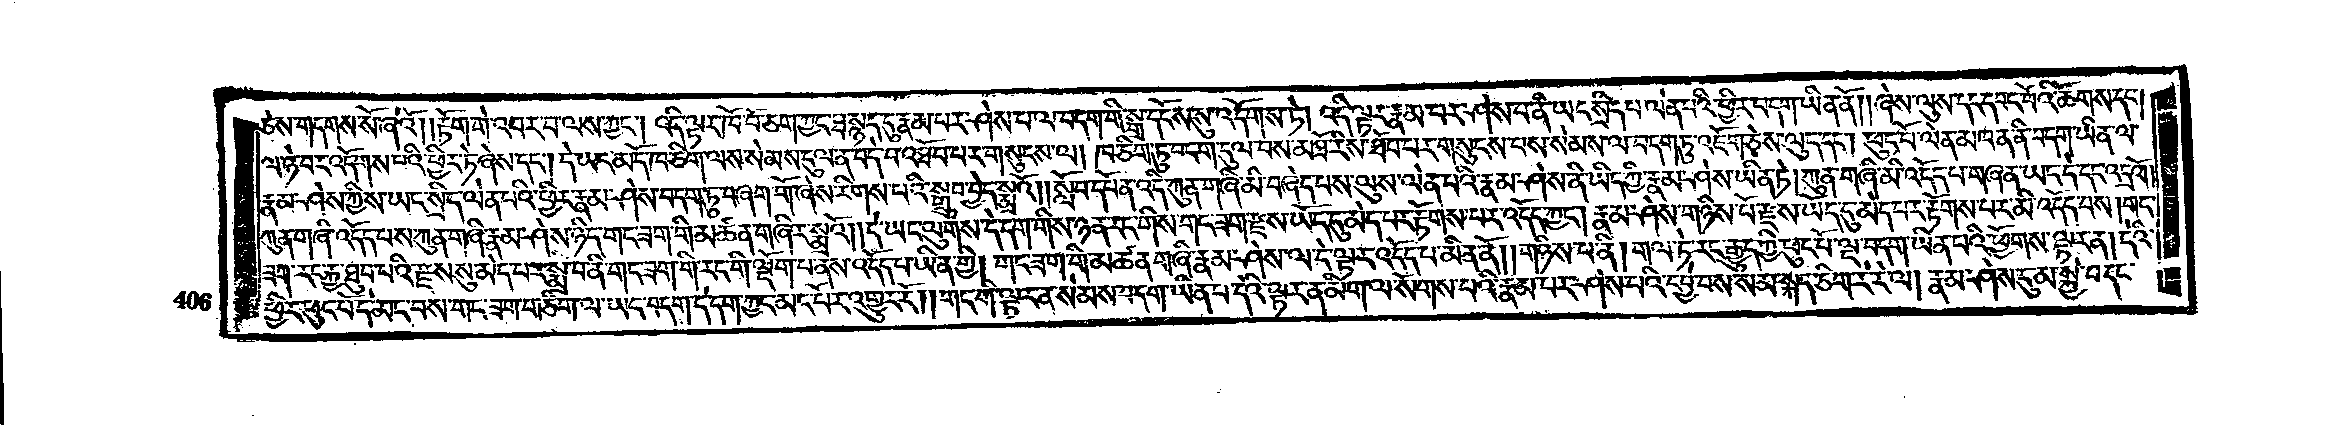ཅེས་གདགས་སོ་ཞེའོ། །རྟོག་གེ་འབར་བ་ལས་ཀྱང་། འདི་ལྟར་ཁོ་བོ་ཅག་ཀྱང་ཐ་སྙད་དུ་རྣམ་པར་ཤེས་པ་ལ་བདག་གི་སྒྲ་དངོས་སུ་འདོགས་ཏེ། འདི་ལྟར་རྣམ་པར་ཤེས་པ་ནི་ཡང་སྲིད་པ་ལེན་པའི་ཕྱིར་བདག་ཡིན་ནོ། །ཞེས་ལུས་དང་དབང་པོའི་ཚོགས་དག་
ལ་ཉེ་བར་འདོགས་པའི་ཕྱིར་ཏེ་ཞེས་དང་། དེ་ཡང་མདོ་ཁ་ཅིག་ལས་སེམས་དུལ་ན་བདེ་བ་འཐོབ་པར་གསུངས་ལ། ཁ་ཅིག་ཏུ་བདག་དུལ་བས་མཐོ་རིས་ཐོབ་པར་གསུངས་པས་སེམས་ལ་བདག་ཏུ་འཇོག་ཅེས་ལུད་དང་། ཕུང་པོ་ལེན་མཁན་ནི་བདག་ཡིན་ལ་
རྣམ་ཤེས་ཀྱིས་ཡང་སྲིད་ལེན་པའི་ཕྱིར་རྣམ་ཤེས་བདག་ཏུ་བཞག་གོ་ཞེས་རིགས་པའི་སྒྲུབ་བྱེད་སྨྲའོ། །སློབ་དཔོན་འདི་ཀུན་གཞི་མི་བཞེད་པས་ལུས་ལེན་པའི་རྣམ་ཤེས་ནི་ཡིད་ཀྱི་རྣམ་ཤེས་ཡིན་ཏེ། ཀུན་གཞི་མི་འདོད་པ་གཞན་ཡང་དེ་དང་འདྲའོ། །
ཀུན་གཞི་འདོད་པས་ཀུན་གཞི་རྣམ་ཤེས་ཉིད་གང་ཟག་གི་མཚན་གཞིར་སྨྲའོ། །དེ་ཡང་ལུགས་དེ་དག་གིས་ཉན་རང་གིས་གང་ཟག་རྫས་ཡོད་དུ་མེད་པར་རྟོགས་པར་འདོད་ཀྱང་། རྣམ་ཤེས་གཉིས་པོ་རྫས་ཡོད་དུ་མེད་པར་རྟོགས་པར་མི་འདོད་པས། གང་
ཟག་རང་རྐྱ་ཐུབ་པའི་རྫས་སུ་མེད་པར་སྨྲ་བ་ནི་གང་ཟག་གི་རང་གི་ལྡོག་པ་ནས་འདོད་པ་ཡིན་གྱི། གང་ཟག་གི་མཚན་གཞི་རྣམ་ཤེས་ལ་དེ་ལྟར་འདོད་པ་མིན་ནོ། །གཉིས་པ་ནི། གལ་ཏེ་རང་རྒྱུད་ཀྱི་ཕུང་པོ་ལྔ་བདག་ཡིན་པའི་ཕྱོགས་ལྟར་ན། དེའི་
ཕྱིར་ཕུང་པོ་དེ་མང་བས་གང་ཟག་གཅིག་ལ་ཡང་བདག་དེ་དག་ཀྱང་མང་པོར་འགྱུར་རོ། །གང་གི་ལྟར་ན་སེམས་བདག་ཡིན་པ་དེའི་ལྟར་ན་མིག་ལ་སོགས་པའི་རྣམ་པར་ཤེས་པའི་དབྱེ་བས་སམ་སྐད་ཅིག་རེ་རེ་ལ། རྣམ་ཤེས་དུ་མ་སྐྱེ་བ་དང་